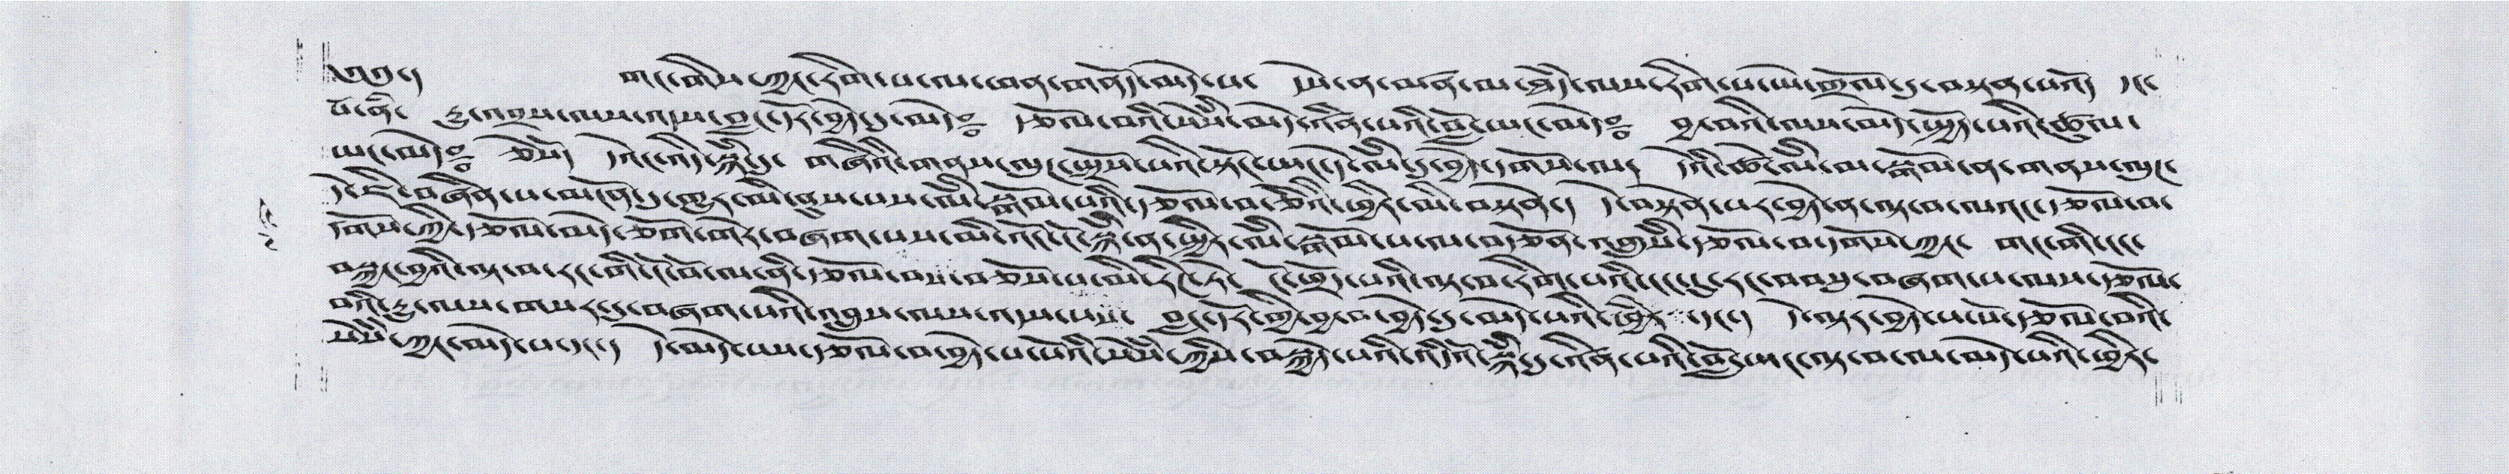གང་གིས་ཀྱང་རིག་པ་ལ་ཕན་གནོད་མེད་པ། དེས་ན་མཚན་མ་ཐམས་ཅད་ལས་རེག་པ་ཡེ་གྲོལ་དུ་བསྟན་པའོ། དང་
པོ་ནི། རྒྱུ་འབྲས་ལས་འདས་བླང་དོར་བྱེད་དུ་མེདཿ རྩོལ་བའི་སེམས་མེད་འཛིན་པའི་བློ་ཡང་མེདཿ བྱ་བའི་ལས་མེད་སྤྱོད་པའི་ཚུལ་
ཡང་མེདཿ ཅེས་སོ། དེའང་འདི་སྙམ་དུ། གཞིའི་གནས་ལུགས་སྤྲོས་པས་སྟོང་ཡང་དེ་ལམ་དུ་བྱེད་དགོས་ལ། དེའི་ཚེ་ལམ་མ་བསྒོམས་ན་གནས་ལུགས་
དེ་ཇི་བཞིན་པ་མངོན་དུ་གྱུར་མི་ནུས་པས་ལམ་བསྒོམ་པའི་རྩོལ་བ་ཅིའི་ཕྱིར་མི་བསྟེན། དེ་བསྟེན་པར་བྱེད་ན་ལྟ་བ་ལའང་རྩོལ་བ་
དགོས་ཀྱི་རྩོལ་མེད་ཅོག་གེར་བཞག་པས་མི་འོང་ངོ་སྙམ་ན་སྤྱིར་ལམ་བསྒོམ་པ་ལ་བརྩོན་འགྲུས་སམ་རྩོལ་བ་དགོས་ཀྱང་། གང་གི་ངང་
བསྐྱང་བྱའི་ལྟ་བ་རང་གི་ངོ་བོ་ལ་ནི་རྩོལ་བས་བཅོས་པ་མི་རིགས་ཏེ། ངོ་འཕྲོད་པའི་ལྟ་བ་རིག་པའི་ངང་དུ་རང་བབས་སུ་བཞག་པ་ལས་རྩོལ་
བའི་རྒྱུ་ལས་གསར་དུ་བཞག་པའི་འབྲས་བུ་ལས་འདས་པས། བླང་དོར་གྱི་བྱ་བ་བྱེད་དུ་མེད་པའི་ཕྱིར་དང་། དེ་ལྟར་བྱེད་པ་པོ་རྩོལ་བའི་
སེམས་ཀྱང་མེད་པ་དང་། དེ་མེད་པས་རྩོལ་བ་བྱེད་པ་པོའི་སེམས་ཀྱིས་བསྐྱེད་པའི་འདིའོ་སྙམ་དུ་འཛིན་པའི་བློའང་ལྟ་བ་ལ་མེད་པའི་ཕྱིར་